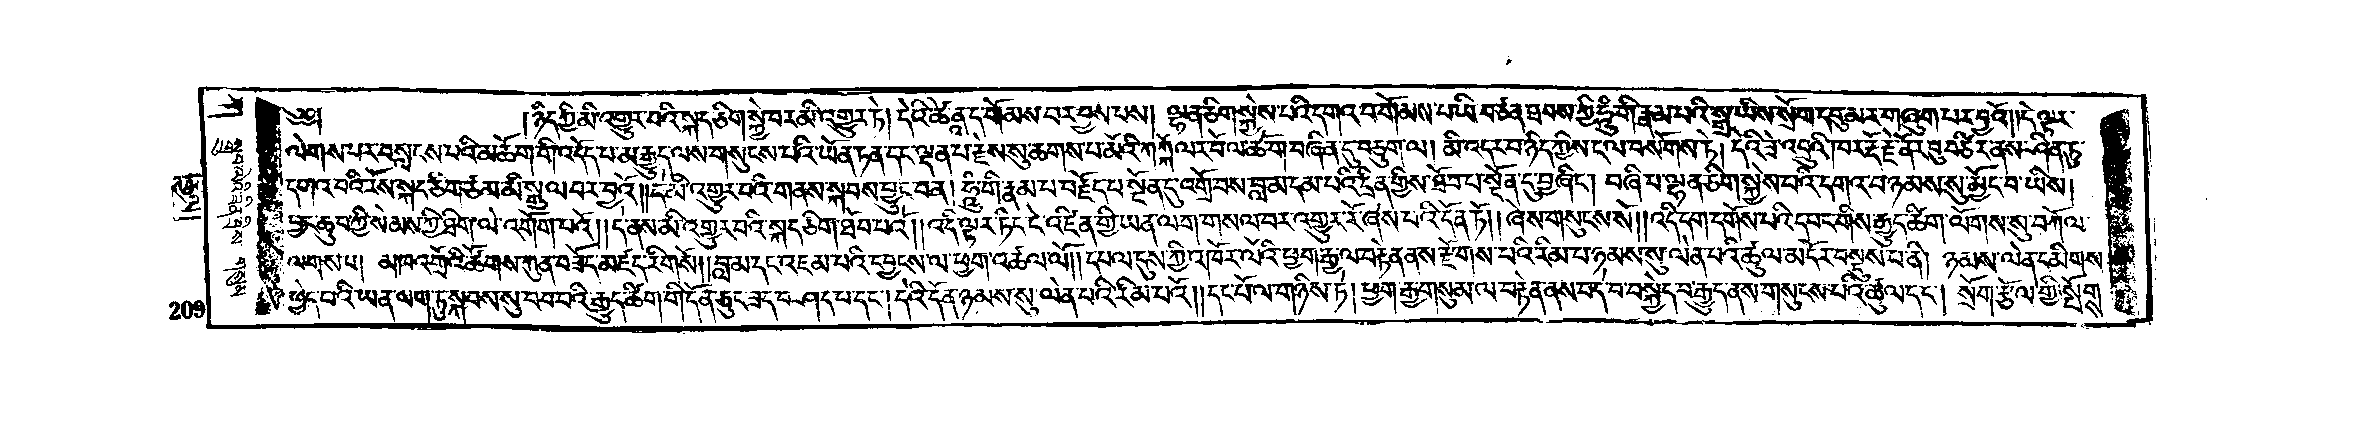༄༅། །ཉིད་ཀྱི་མི་འགྱུར་བའི་སྐད་ཅིག་སྐྱེ་བར་མི་འགྱུར་ཏེ། དེའི་ཚེ་ནཱ་ད་གོམས་པར་བྱས་པས། ལྷན་ཅིག་སྐྱེས་པའི་དགའ་བ་གོམས་པ་ཡི་བཙན་ཐབས་ཀྱི་ཧཱུཾ་གྱི་རྣམ་པའི་སྒྲ་ཡིས་སྲོག་དབུ་མར་གཞུག་པར་བྱའོ། །དེ་ལྟར་
ལེགས་པར་བསླངས་པའི་མཆོག་གི་འདོད་པ་མ་རྒྱུད་ལས་གསུངས་པའི་ཡོན་ཏན་དང་ལྡན་པ་རྗེས་སུ་ཆགས་པ་མོའི་ཀྐཀོ་ལར་བོ་ལ་ཆོ་ག་བཞིན་དུ་བཅུག་ལ། མི་འདར་བ་ཉིད་ཀྱིས་ངལ་བ་སོགས་ཏེ། དེའི་ཟེ་འབྲུའི་ཁར་རྡོ་རྗེ་ནོར་བུ་བཙིར་ནས་ཤིན་ཏུ་
དགའ་བའི་རོས་སྐད་ཅིག་ཙམ་མི་སྒུལ་བར་བྱའོ། །དེ་མི་འགྱུར་བའི་གནས་སྐབས་བྱུང་བ་ན། ཧཱུཾ་གི་རྣམ་པ་བརྗོད་པ་སྔོན་དུ་འགྲོ་བས་བླ་མ་དམ་པའི་དྲིན་གྱིས་ཐོབ་པ་སྔོན་དུ་བྱ་ཞིང་། བཞི་པ་ལྷན་ཅིག་སྐྱེས་པའི་དགའ་བ་ཉམས་སུ་མྱོང་བ་ཡིས།
བྱང་ཆུབ་ཀྱི་སེམས་ཀྱི་ཐིག་ལེ་འགོག་པའོ། །དེ་ནས་མི་འགྱུར་བའི་སྐད་ཅིག་ཐོབ་པའོ། །འདི་ལྟར་ཏིང་ངེ་འཛིན་གྱི་ཡན་ལག་གསལ་བར་འགྱུར་རོ་ཞེས་པའི་དོན་ཏོ། །ཞེས་གསུངས་སོ། །འདི་དག་དགོས་པའི་དབང་གིས་རྒྱུད་ཚིག་ལོགས་སུ་བཀོལ་
ལགས་པ། མཁའ་འགྲོའི་ཚོགས་ཀུན་བཟོད་མཛད་རིགས་སོ། །བླ་མ་དང་འཇམ་པའི་དབྱངས་ལ་ཕྱག་འཚལ་ལོ། །དཔལ་དུས་ཀྱི་འཁོར་ལོའི་ཕྱག་རྒྱ་ལ་བརྟེན་ནས་རྫོགས་པའི་རིམ་པ་ཉམས་སུ་ལེན་པའི་ཚུལ་མདོར་བསྡུས་པ་ནི། ཉམས་ལེན་དམིགས་
ཕྱེད་པའི་ཡན་ལག་ཏུ་སྐབས་སུ་བབ་པའི་རྒྱུད་ཚིག་གི་དོན་ཅུང་ཟད་བཤད་པ་དང་། དེའི་དོན་ཉམས་སུ་ལེན་པའི་རིམ་པའོ། །དང་པོ་ལ་གཉིས་ཏེ། ཕྱག་རྒྱ་གསུམ་ལ་བརྟེན་ནས་བདེ་བ་བསྐྱེད་པ་རྒྱུད་ནས་གསུངས་པའི་ཚུལ་དང་། སྲོག་རྩོལ་གྱི་སྤོགས་